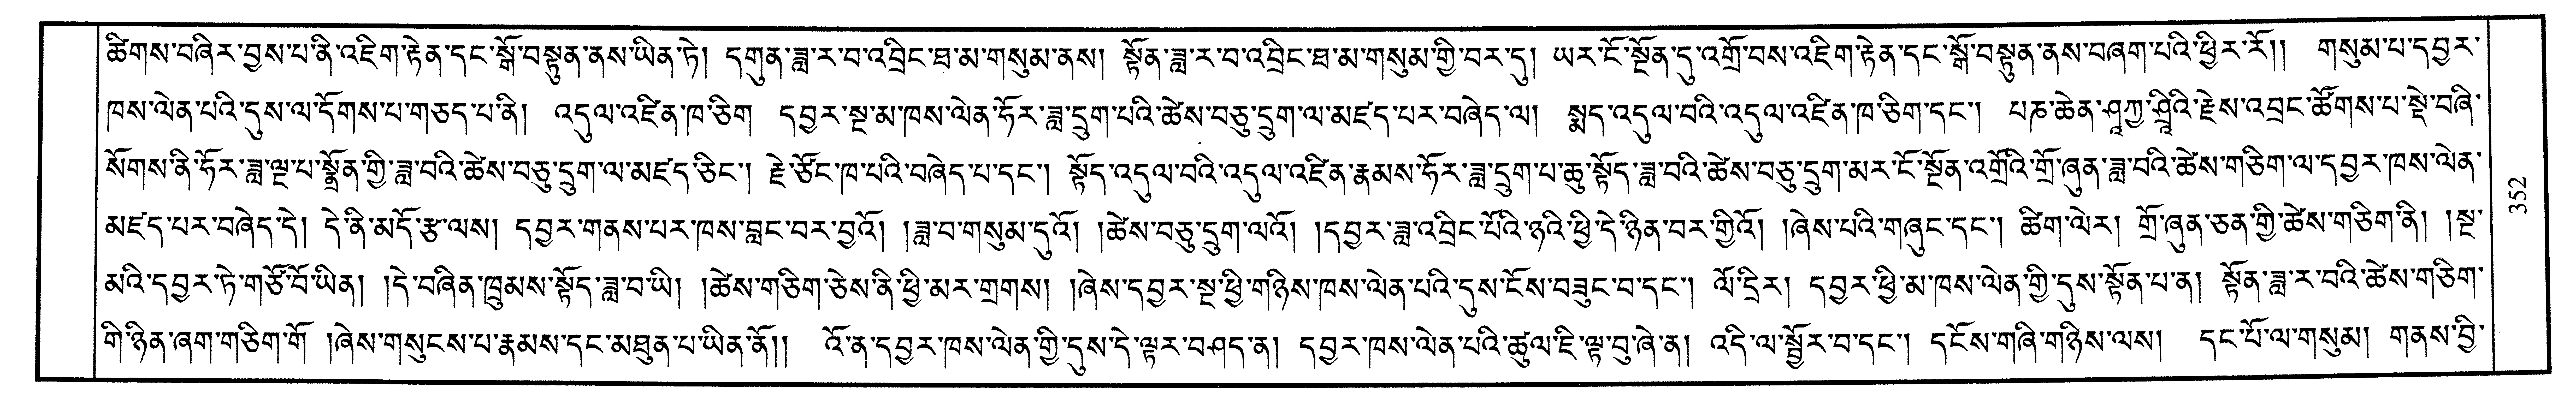ཚིགས་བཞིར་བྱས་པ་ནི་འཇིག་རྟེན་དང་སྒོ་བསྟུན་ནས་ཡིན་ཏེ། དགུན་ཟླ་ར་བ་འབྲིང་ཐ་མ་གསུམ་ནས། སྟོན་ཟླ་ར་བ་འབྲིང་ཐ་མ་གསུམ་གྱི་བར་དུ། ཡར་ངོ་སྔོན་དུ་འགྲོ་བས་འཇིག་རྟེན་དང་སྒོ་བསྟུན་ནས་བཞག་པའི་ཕྱིར་རོ།། གསུམ་པ་དབྱར་
ཁས་ལེན་པའི་དུས་ལ་དོགས་པ་གཅད་པ་ནི། འདུལ་འཛིན་ཁ་ཅིག །དབྱར་སྔ་མ་ཁས་ལེན་ཧོར་ཟླ་དྲུག་པའི་ཚེས་བཅུ་དྲུག་ལ་མཛད་པར་བཞེད་ལ། སྨད་འདུལ་བའི་འདུལ་འཛིན་ཁ་ཅིག་དང་། པཎ་ཆེན་ཤཱཀྱ་ཤྲཱིའི་རྗེས་འབྲང་ཚོགས་པ་སྡེ་བཞི་
སོགས་ནི་ཧོར་ཟླ་ལྔ་པ་སྣྲོན་གྱི་ཟླ་བའི་ཚེས་བཅུ་དྲུག་ལ་མཛད་ཅིང་། རྗེ་ཙོང་ཁ་པའི་བཞེད་པ་དང་། སྟོད་འདུལ་བའི་འདུལ་འཛིན་རྣམས་ཧོར་ཟླ་དྲུག་པ་ཆུ་སྟོད་ཟླ་བའི་ཚེས་བཅུ་དྲུག་མར་ངོ་སྔོན་འགྲོའི་གྲོ་ཞུན་ཟླ་བའི་ཚེས་གཅིག་ལ་དབྱར་ཁས་ལེན་
མཛད་པར་བཞེད་དེ། དེ་ནི་མདོ་རྩ་ལས། དབྱར་གནས་པར་ཁས་བླངས་བར་བྱའོ། །ཟླ་བ་གསུམ་དུའོ། །ཚེས་བཅུ་དྲུག་ལའོ། །དབྱར་ཟླ་འབྲིང་པོའི་ཉའི་ཕྱི་དེ་ཉིན་བར་གྱིའོ། །ཞེས་པའི་གཞུང་དང་། ཚིག་ལེར། གྲོ་ཞུན་ཅན་གྱི་ཚེས་གཅིག་ནི། །སྔ་
མའི་དབྱར་ཏེ་གཙོ་བོ་ཡིན། །དེ་བཞིན་ཁྲུམས་སྟོད་ཟླ་བ་ཡི། །ཚེས་གཅིག་ཅེས་ནི་ཕྱི་མར་གྲགས། །ཞེས་དབྱར་སྔ་ཕྱི་གཉིས་ཁས་ལེན་པའི་དུས་ངོས་བཟུང་བ་དང་། ལོ་དྲིར། དབྱར་ཕྱི་མ་ཁས་ལེན་གྱི་དུས་སྟོན་པ་ན། སྟོན་ཟླ་ར་བའི་ཚེས་གཅིག་
གི་ཉིན་ཞག་གཅིག་གོ །ཞེས་གསུངས་པ་རྣམས་དང་མཐུན་པ་ཡིན་ནོ།། འོ་ན་དབྱར་ཁས་ལེན་གྱི་དུས་དེ་ལྟར་བཤད་ན། དབྱར་ཁས་ལེན་པའི་ཚུལ་ཇི་ལྟ་བུ་ཞེ་ན། འདི་ལ་སྦྱོར་བ་དང་། དངོས་གཞི་གཉིས་ལས། དང་པོ་ལ་གསུམ། གནས་བྱི་